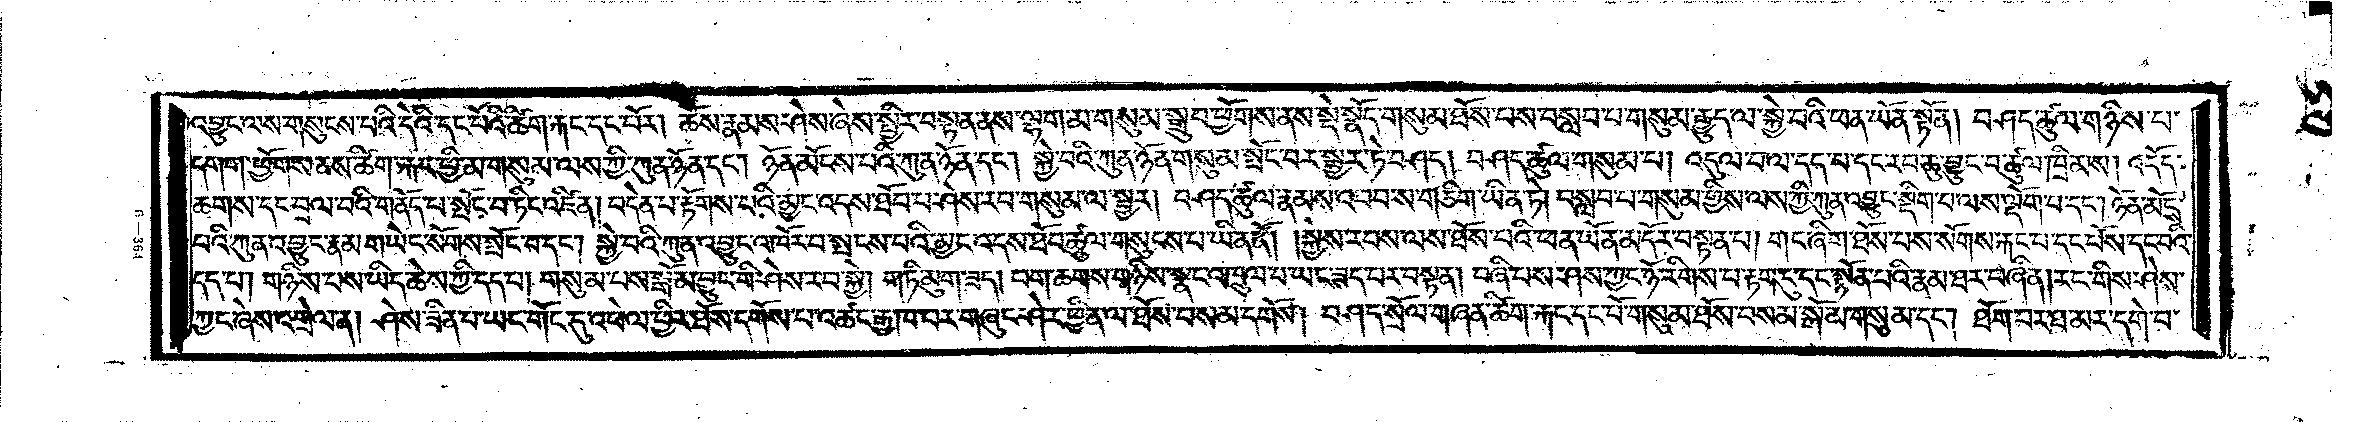འབྱུང་ལས་གསུངས་པའི་དེའི་དང་པོའི་ཚིག་རྐང་དང་པོར། ཆོས་རྣམས་ཤེས་ཞེས་སྤྱིར་བསྟན་ནས་ལྷག་མ་གསུམ་སྒྲུབ་ཕྱོགས་ནས་སྡེ་སྣོད་གསུམ་ཐོས་པས་བསླབ་པ་གསུམ་རྒྱུད་ལ་སྐྱེ་བའི་ཕན་ཡོན་སྟོན། བཤད་ཚུལ་གཉིས་པ་
དགག་ཕྱོགས་ནས་ཚིག་རྐང་ཕྱི་མ་གསུམ་ལས་ཀྱི་ཀུན་ཉོན་དང་། ཉོན་མོངས་པའི་ཀུན་ཉོན་དང་། སྐྱེ་བའི་ཀུན་ཉོན་གསུམ་སྤོང་བར་སྦྱར་ཏེ་བཤད། བཤད་ཚུལ་གསུམ་པ། འདུལ་བ་ལ་དད་པ་དང་རབ་ཆུ་བྱུང་བ་ཚུལ་ཁྲིམས། འདོད་
ཆགས་དང་བྲལ་བའི་གནོད་པ་སྤོང་བ་ཏིང་འཛིན། བདེན་པ་རྟོགས་པའི་མྱང་འདས་ཐོབ་པ་ཤེས་རབ་གསུམ་ལ་སྦྱར། བཤད་ཚུལ་རྣམས་འབབ་ས་གཅིག་ཡིན་ཏེ། བསླབ་པ་གསུམ་གྱིས་ལས་ཀྱི་ཀུན་འབྱུང་སྡིག་པ་ལས་ལྡོག་པ་དང་། ཉོན་མོངས་
པའི་ཀུན་འབྱུང་རྣམ་གཡེང་སོགས་སྤོང་བ་དང་། སྐྱེ་བའི་ཀུན་འབྱུང་འཁོར་བ་སྤངས་པའི་མྱང་འདས་ཐོབ་ཚུལ་གསུངས་པ་ཡིན་ནོ། །སྐྱེས་རབས་ལས་ཐོས་པའི་ཕན་ཡོན་མདོར་བསྟན་པ། གང་ཞིག་ཐོས་པས་སོགས་རྐང་པ་དང་པོས་དང་བའི་
དད་པ། གཉིས་པས་ཡིད་ཆེས་ཀྱི་དད་པ། གསུམ་པས་སྒོམ་བྱུང་གི་ཤེས་རབ་སྐྱེ། གཏི་མུག་ཟད། བག་ཆགས་གཉིས་སྣང་འཁྲུལ་པ་ཡང་ཟད་པར་བསྟན། བཞི་པས་ཤས་ཀྱང་ཉོ་རིགས་པ་རྟག་དུ་དང་སྟོན་པའི་རྣམ་ཐར་བཞིན། རང་གིས་ཤེས་
ཀྱང་ཞེས་འགྲེལ་ན། ཤེས་ཟིན་པ་ཡང་གོང་དུ་འཕེལ་ཕྱིར་ཐོས་དགོས་པ་འཚང་རྒྱ་ཁ་བར་གཞུང་ཤེར་ཕྱིན་ལ་ཐོས་བསམ་དགོས། བཤད་སྲོལ་གཞན་ཚིག་རྐང་དང་པོ་གསུམ་ཐོས་བསམ་སྒོམ་གསུམ་དང་། ཐོག་བར་ཐ་མར་དགེ་བ་